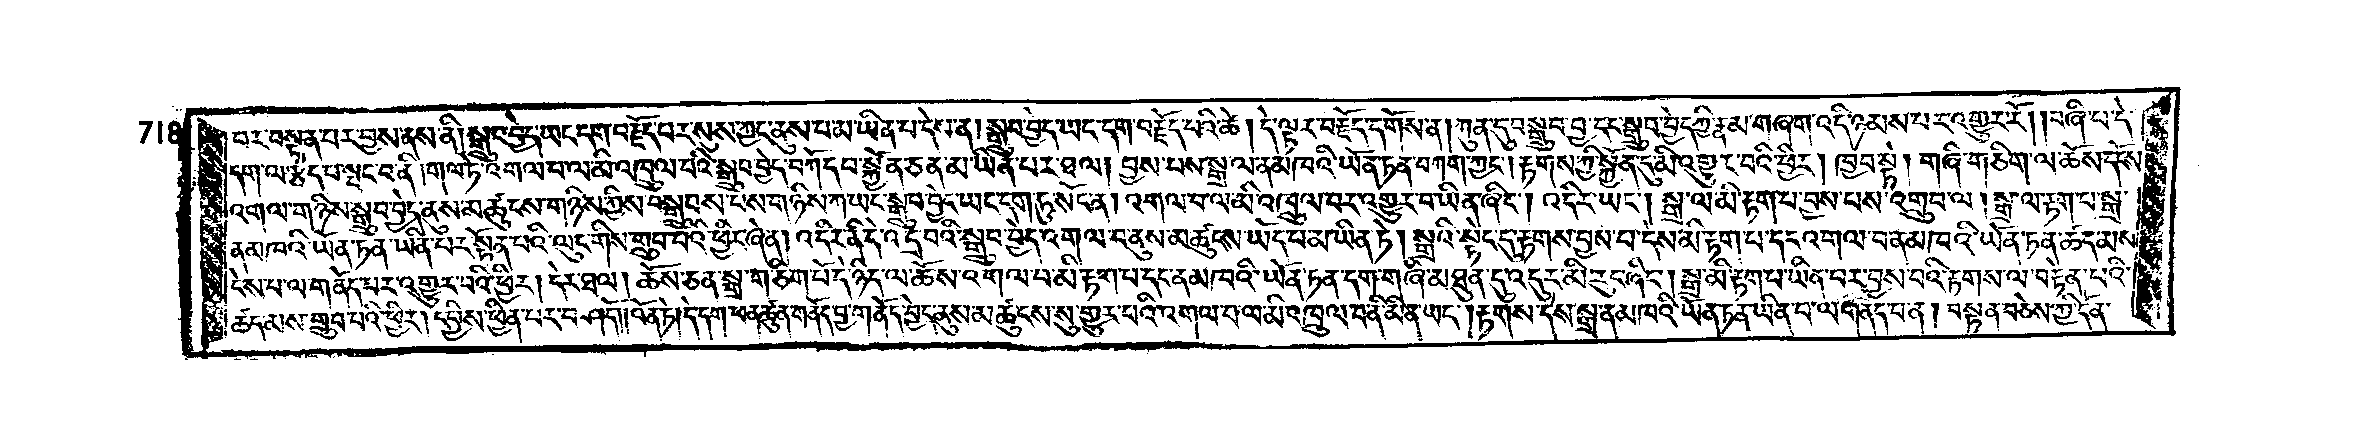པར་བསྟན་པར་བྱས་ནས་ནི། སྒྲུབ་བྱེད་ཡང་དག་བརྗོད་པར་སུས་ཀྱང་ནུས་པ་མ་ཡིན་པ་དེས་ན། སྒྲུབ་བྱེད་ཡང་དག་བརྗོད་པའི་ཚེ། དེ་ལྟར་བརྗོད་དགོས་ན། ཀུན་དུ་བསྒྲུབ་བྱ་དང་སྒྲུབ་བྱེད་ཀྱི་རྣམ་གཞག་འདི་ཉམས་པར་འགྱུར་རོ། །བཞི་པ་དེ་
དག་ལ་རྩོད་པ་སྤང་བ་ནི། གལ་ཏེ་འགལ་བ་ལ་མི་འཁྲུལ་བའི་སྒྲུབ་བྱེད་བཀོད་པ་སྐྱོན་ཅན་མ་ཡིན་པར་ཐལ། བྱས་པས་སྒྲ་ལ་ནམ་མཁའི་ཡོན་ཏན་བཀག་ཀྱང་། རྟགས་ཀྱི་སྐྱོན་དུ་མི་འགྱུར་བའི་ཕྱིར། ཁྱབ་སྟེ། གཞི་གཅིག་ལ་ཆོས་དངོས་
འགལ་གཉིས་སྒྲུབ་བྱེད་ནུས་མཚུངས་གཉིས་ཀྱིས་བསྒྲུབས་པས་གཉིས་ཀ་ཡང་སྒྲུབ་བྱེད་ཡང་དག་ཏུ་སོང་ན། འགལ་བ་ལ་མི་འཁྲུལ་བར་འགྱུར་བ་ཡིན་ཞིང་། འདིར་ཡང་། སྒྲ་ལ་མི་རྟག་པ་བྱས་པས་འགྲུབ་ལ། སྒྲ་ལ་རྟག་པ་སྒྲ་
ནམ་མཁའི་ཡོན་ཏན་ཡིན་པར་སྟོན་པའི་ལུང་གིས་གྲུབ་པའི་ཕྱིར་ཞེ་ན། འདིར་ནི་དེ་འདྲ་བའི་སྒྲུབ་བྱེད་འགལ་བ་ནུས་མཚུངས་ཡོད་པ་མ་ཡིན་ཏེ། སྒྲའི་སྟེང་དུ་རྟགས་བྱས་པ་དེས་མི་རྟག་པ་དང་འགལ་བ་ནམ་མཁའི་ཡོན་ཏན་ཚད་མས་
ངེས་པ་ལ་གནོད་པར་འགྱུར་བའི་ཕྱིར། དེར་ཐལ། ཆོས་ཅན་སྒྲ་གཅིག་པོ་དེ་ཉིད་ལ་ཆོས་འགལ་བ་མི་རྟག་པ་དང་ནམ་མཁའི་ཡོན་ཏན་དག་གཞི་མཐུན་དུ་འདུར་མི་རུང་ཞིང་། སྒྲ་མི་རྟག་པ་ཡིན་པར་བྱས་པའི་རྟགས་ལ་བརྟེན་པའི་
ཚད་མས་གྲུབ་པའི་ཕྱིར། དཔྱིས་ཕྱིན་པར་བཤད་དོ། །འོན་ཏེ། དེ་དག་ཕན་ཚུན་གནོད་བྱ་གནོད་བྱེད་ནུས་མཚུངས་སུ་གྱུར་བའི་འགལ་བ་ལ་མི་འཁྲུལ་བ་ནི་མིན་ཡང་། རྟགས་དེས་སྒྲ་ནམ་མཁའི་ཡོན་ཏན་ཡིན་པ་ལ་གནོད་པ་ན། བསྟན་བཅོས་ཀྱི་དོན་